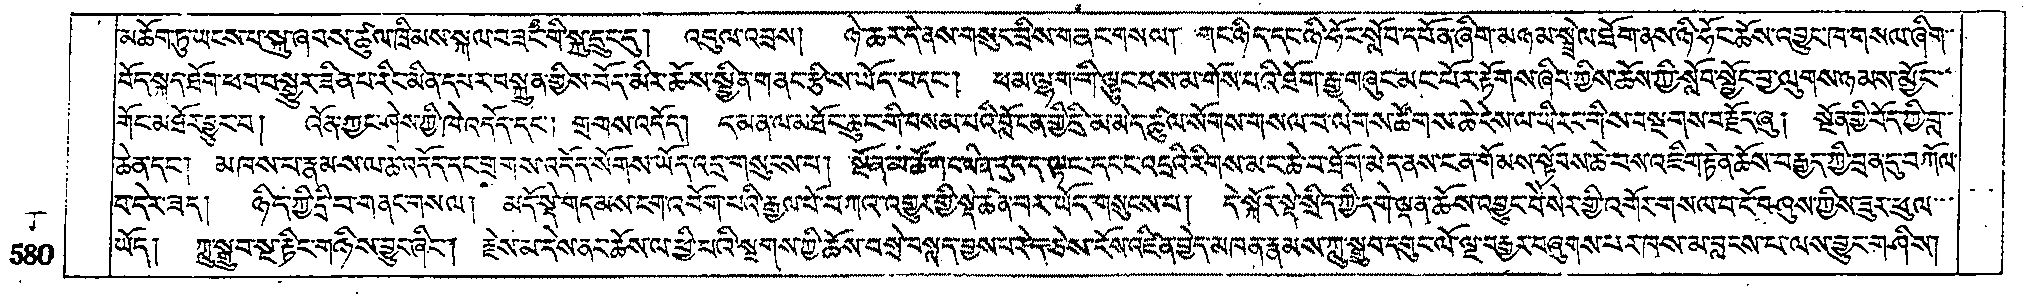མཆོག་ཏུ་ཡངས་པ་སྐུ་ཞབས་ཚུལ་ཁྲིམས་སྐལ་བཟང་གི་སྐུ་དྲུང་དུ། འབུལ་འབྲས། ཉེ་ཆར་དེ་ནས་གསུང་བྲིས་གནང་གསལ། གང་ཉིད་དང་ཉི་ཧོང་སློབ་དཔོན་ཞིག་མཉམ་སྦྲེལ་ཐོག་ནས་ཉི་ཧོང་ཆོས་འབྱུང་ཁ་གསལ་ཞིག་་་
བོད་སྐད་ཐོག་ཕབ་བསྒྱུར་ཟིན་པ་རིང་མིན་དཔར་བསྐྲུན་གྱིས་བོད་མིར་ཆོས་སྦྱིན་གནང་རྩིས་ཡོད་པ་དང་། ཕམ་ལྷག་གི་ལྟུང་བས་མ་གོས་པའི་ཐོག་རྒྱ་གཞུང་མང་པོར་རྟོགས་ཞིབ་ཀྱིས་ཆོས་ཀྱི་སློབ་སྦྱོང་བྱ་ལུགས་ཉམས་མྱོང་་་
གོང་མཐོར་བྱུང་བ། འོན་ཀྱང་ཤེས་ཀྱི་ཁེ་འདོད་དང་། གྲགས་འདོད། དམན་ལ་མཐོང་ཆུང་གི་བསམ་པའི་བློ་ངན་གྱི་དྲི་མ་མེད་ཚུལ་སོགས་གསལ་བ་ལེགས་ཚོགས་ཆེ་ངེས་ལ་ཡི་རང་གིས་བསྔགས་བརྗོད་ཞུ། སྔོན་གྱི་བོད་ཀྱི་བླ་་་
ཆེན་དང་། མཁས་པ་རྣམས་ལ་ཆེ་འདོད་དང་གྲགས་འདོད་སོགས་ཡོད་འདྲ་གསུངས་པ། སྔོན་མཚོ་གང་ཡིན་རུང་ད་ལྟང་དང་ང་འདྲའི་རིགས་མང་ཆེ་བ་ཐོག་མེད་ནས་ངན་གོམས་སྟོབས་ཆེ་བས་འཇིག་རྟེན་ཆོས་བརྒྱད་ཀྱི་བྲན་དུ་བཀོལ་
བ་དེར་ཟད། ཉིད་ཀྱི་དྲི་བ་གནང་གསལ། མདོ་སྡེ་གདམས་ངག་འབོག་པའི་རྒྱལ་པོ་བཀའ་འགྱུར་གྱི་སྡེ་ཚན་གར་ཡོད་གསུངས་པ། དེ་སྐོར་སྡེ་སྲིད་ཀྱི་དགེ་ལྡན་ཆོས་འབྱུང་བཻ་སེར་གྱི་འགོར་གསལ་བ་ངོ་བཤུས་ཀྱིས་ཟུར་ཕུལ་་་
ཡོད། ཀླུ་སྒྲུབ་སྔ་རྟིང་གཉིས་བྱུང་ཞིང་། རྗེས་མ་དེས་ནང་ཆོས་ལ་ཕྱི་པའི་སྔགས་ཀྱི་ཆོས་བསྲེ་བསླད་བྱས་པ་རེད་ཅེས་ངོས་འཛིན་བྱེད་མཁན་རྣམས་ཀླུ་སྒྲུབ་དགུང་ལོ་ལྔ་བརྒྱར་བཞུགས་པར་ཁས་མ་བླངས་པ་ལས་བྱུང་གཤིས།